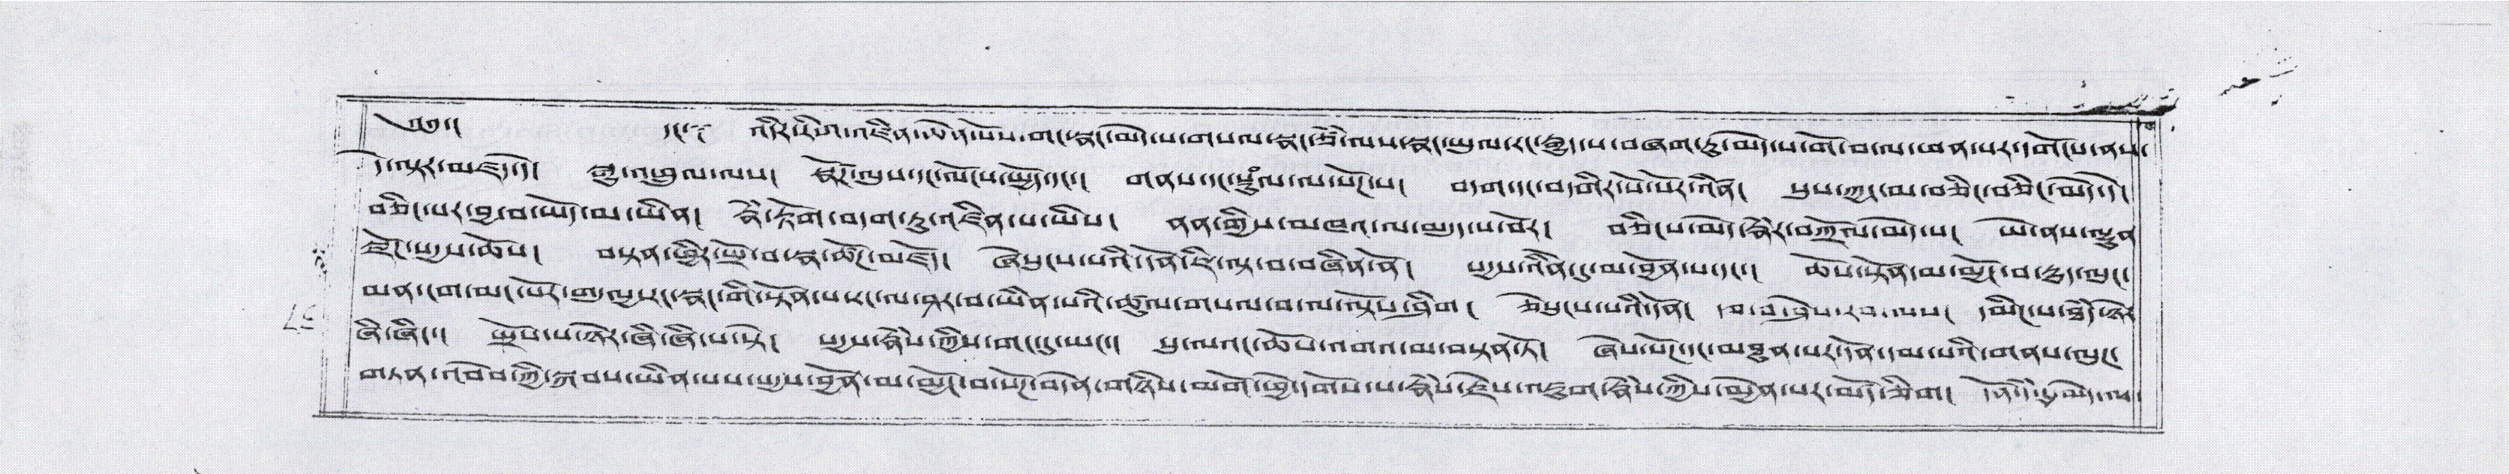དང། འདིར་རིག་འཛིན་ཆེན་པོས་གང་སྣང་མེད་པ་གསལ་སྣང་ཙམ་ལས་སྣང་ཡུལ་རང་རྒྱུད་ས་བཞག་ཏུ་མེད་པ་གོ་བ་ལ་ཕན་པར་དགོངས་ནས་
དེ་ལྟར་མཛད་དོ། སྒྱུ་འཕྲུལ་ལས། སྣ་ཚོགས་ལུས་དང་ལོངས་སྤྱོད་དང། གནས་དང་སྡུག་བསྔལ་ལ་སོགས་པ། བདག་དང་བདག་གིར་སོ་སོར་འཛིན། སུས་ཀྱང་མ་བཅིང་བཅིང་མེད་དེ། 
བཅིང་བར་བྱ་བ་ཡོད་མ་ཡིན། རྣམ་རྟོག་བདག་ཏུ་འཛིན་པ་ཡིས། ནན་གྱིས་མཁའ་ལ་མདུད་པ་བོར། བཅིངས་མེད་རྣམ་པར་བཀྲོལ་མེད་པ། ཡེ་ནས་ལྷུན་
རྫོགས་སངས་རྒྱས་ཆོས། བསྟན་ཕྱིར་སྤྲོ་བ་སྣ་ཚོགས་མཛོད། ཞེས་གསུངས་པའི་དོན་ཇི་ལྟ་བ་བཞིན་ནོ། སངས་རྒྱས་འཇིག་རྟེན་དུ་མ་བྱོན་པ་དང། ཆོས་སྟོན་མ་མྱོང་བ་རྒྱུད་ལུང་
མན་ངག་མང་པོར་གདུལ་བྱ་རང་སྣང་གི་སྟོན་པ་རང་ལ་ཤར་བ་ཡིན་པའི་ཚུལ་གསལ་བ་ལ་ལྟོས་ཤིག ཅེས་གསུངས་པའི་དོན། རྩ་བ་ཤེས་རབ་ལས། དམིགས་པ་ཐམས་ཅད་ཉེར་
ཞི་ཞིང། སྤྲོས་པ་ཉེར་ཞི་ཞི་པ་སྟེ། སངས་རྒྱས་རྣམས་ཀྱིས་གང་དུ་ཡང། སུ་ལའང་ཆོས་འགའ་མ་བསྟན་ཏོ། ཞེས་སོགས་དང་མཐུན་པར་དོན་དམ་པའི་གནས་ལུགས་
གཏན་འབེབ་ཀྱི་སྐབས་ཡིན་པས་སངས་རྒྱས་བྱོན་མ་མྱོང་བ་སོགས་བདེན་གཉིས་མགོ་ཕྱེ་དགོས་པ་རྣམས་རྗེས་འཇུག་རྣམས་ཀྱིས་མཁྱེན་པར་མཛོད་ཅིག དོན་དམ་དུ་མེད་ལ་